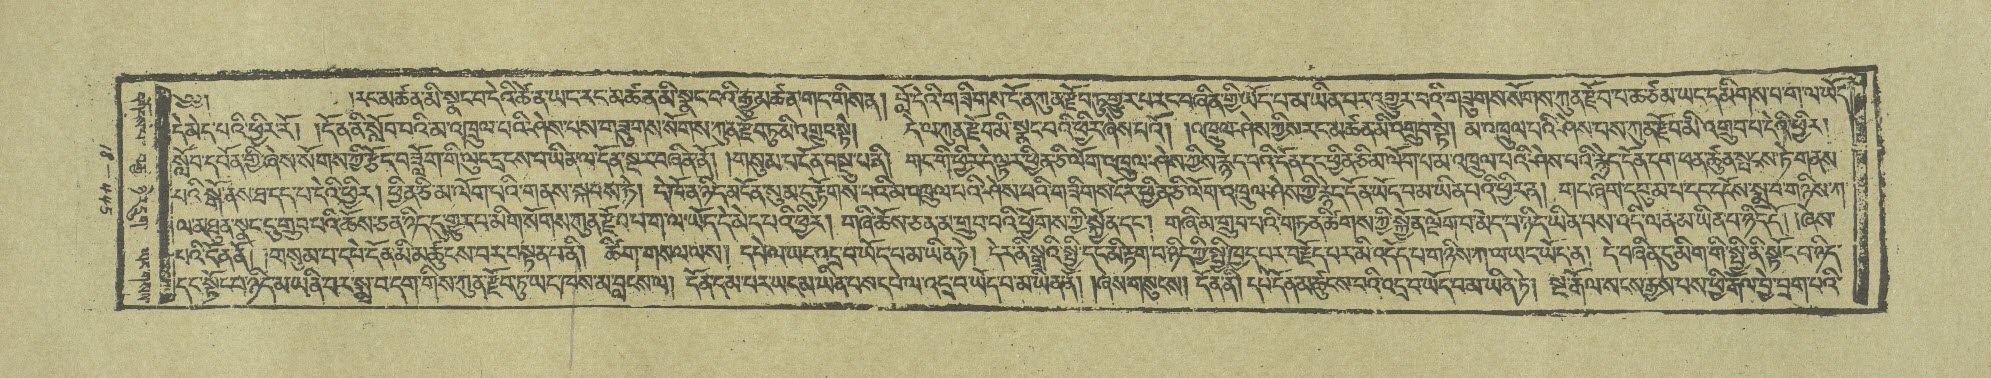༄༅། །རང་མཚན་མི་སྣང་བ་དེའི་ཚེ་ན་ཡང་རང་མཚན་མི་སྣང་བའི་རྒྱུ་མཚན་གང་གིས་ན། བློ་དེའི་གཟིགས་ངོ་ན་ཀུན་རྫོབ་ཏུ་གྱུར་པ་རང་བཞིན་གྱི་ཡོད་པ་མ་ཡིན་པར་འགྱུར་བའི་གཟུགས་སོགས་ཀུན་རྫོབ་པ་ཆ་ཙམ་ཡང་དམིགས་པ་ག་ལ་ཡོད་
དེ་མེད་པའི་ཕྱིར་རོ། །དོན་ནི་སློབ་པའི་མ་འཁྲུལ་བའི་ཤེས་པས་གཟུགས་སོགས་ཀུན་རྫོབ་ཏུ་མི་འགྲུབ་སྟེ། དེ་ལ་ཀུན་རྫོབ་མི་སྣང་བའི་ཕྱིར་ཞེས་པའོ། །འཁྲུལ་ཤེས་ཀྱིས་རང་མཚན་མི་འགྲུབ་སྟེ། མ་འཁྲུལ་བའི་ཤེས་པས་ཀུན་རྫོབ་མི་འགྲུབ་པ་དེའི་ཕྱིར།
སློབ་དཔོན་གྱི་ཞེས་སོགས་ཀྱི་རྩོད་བཟློག་གི་ལུང་དྲངས་པ་ཡིན་ལ་དོན་སྔར་བཞིན་ནོ། །གསུམ་པ་དོན་བསྡུ་པ་ནི། གང་གི་ཕྱིར་དེ་ལྟར་ཕྱིན་ཅི་ལོག་འཁྲུལ་ཤེས་ཀྱིས་རྙེད་པའི་དོན་དང་ཕྱིན་ཅི་མ་ལོག་པ་མ་འཁྲུལ་པའི་ཤེས་པའི་རྙེད་དོན་དག་ཕན་ཚུན་སྤངས་ཏེ་གནས་
པའི་སྒོ་ནས་ཐ་དད་པ་དེའི་ཕྱིར། ཕྱིན་ཅི་མ་ལོག་པའི་གནས་སྐབས་ཏེ། དེ་ཁོ་ན་ཉིད་མངོན་སུམ་དུ་རྟོགས་པའི་མ་འཁྲུལ་པའི་ཤེས་པའི་གཟིགས་ངོར་ཕྱིན་ཅི་ལོག་འཁྲུལ་ཤེས་ཀྱི་རྙེད་དོན་ཡོད་པ་མ་ཡིན་པའི་ཕྱིར་ན། གང་ཞིག་དབུ་མ་པ་དང་དངོས་སྨྲ་བ་གཉིས་ཀ་
ལ་མཐུན་སྣང་དུ་གྲུབ་པའི་ཆོས་ཅན་ཉིད་དུ་གྱུར་པ་མིག་སོགས་ཀུན་རྫོབ་པ་ག་ལ་ཡོད་དེ་མེད་པའི་ཕྱིར། གཞི་ཆོས་ཅན་མ་གྲུབ་པའི་ཕྱོགས་ཀྱི་སྐྱོན་དང་། གཞི་མ་གྲུབ་པའི་གཏན་ཚིགས་ཀྱི་སྐྱོན་ལྡོག་པ་མེད་པ་ཉིད་ཡིན་པས་འདི་ལན་མ་ཡིན་པ་ཉིད་དོ། །ཞེས་
པའི་དོན་ནོ། །གསུམ་པ་དཔེ་དོན་མི་མཚུངས་པར་བསྟན་པ་ནི། ཚིག་གསལ་ལས། དཔེ་ལ་ཡང་འདྲ་བ་ཡོད་པ་མ་ཡིན་ཏེ། དེར་ནི་སྒྲའི་སྤྱི་དང་མི་རྟག་པ་ཉིད་ཀྱི་སྤྱི་ཁྱད་པར་བརྗོད་པར་མི་འདོད་པ་གཉིས་ཀ་ལ་ཡང་ཡོད་ན། དེ་བཞིན་དུ་མིག་གི་སྤྱི་ནི་སྟོང་པ་ཉིད་
དང་སྟོང་པ་ཉིད་མ་ཡིན་པར་སྨྲ་བ་དག་གིས་ཀུན་རྫོབ་ཏུ་ཡང་ཁས་མ་བླངས་ལ། དོན་དམ་པར་ཡང་མ་ཡིན་པས་དཔེ་ལ་འདྲ་བ་ཡོད་པ་མ་ཡིན་ནོ། །ཞེས་གསུངས། དོན་ནི། དཔེ་དོན་མཚུངས་པའི་འདྲ་བ་ཡོད་པ་མ་ཡིན་ཏེ། སྔ་རྒོལ་སངས་རྒྱས་པས་ཕྱི་རྒོལ་བྱེ་བྲག་པའི་